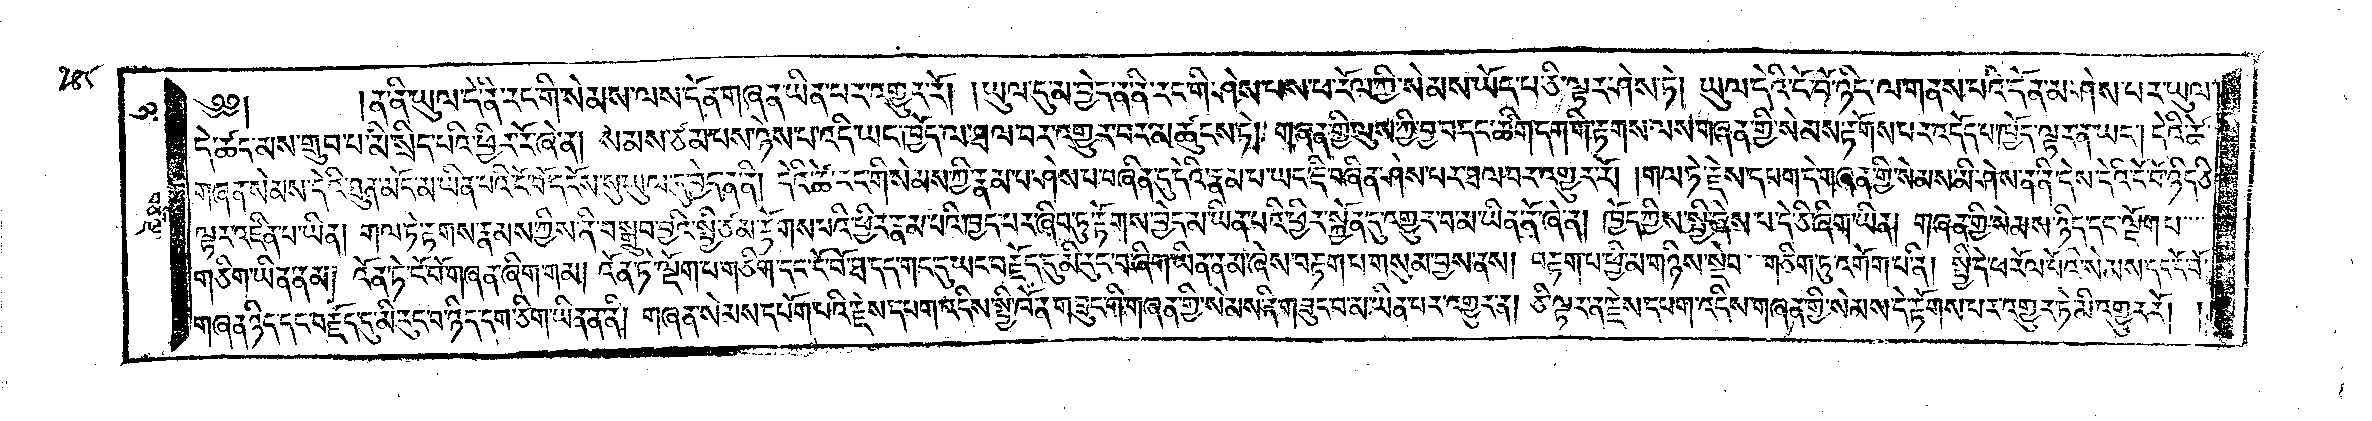༄༅། །ན་ནི་ཡུལ་དེ་ནི་རང་གི་སེམས་ལས་དོན་གཞན་ཡིན་པར་འགྱུར་རོ། །ཡུལ་དུ་མ་བྱེད་ན་ནི་རང་གི་ཤེས་པས་ཕ་རོལ་གྱི་སེམས་ཡོད་པ་ཅི་ལྟར་ཤེས་ཏེ། ཡུལ་དེའི་ངོ་བོ་ཉིད་ལ་གནས་པའི་དོན་མ་ཤེས་པར་ཡུལ་
དེ་ཚད་མས་གྲུབ་པ་མི་སྲིད་པའི་ཕྱིར་རོ་ཞེ་ན། སེམས་ཙམ་པས་ཉེས་པ་འདི་ཡང་ཁྱོད་ལ་ཐལ་བར་འགྱུར་བར་མཚུངས་ཏེ། གཞན་གྱི་ལུས་ཀྱི་བྱ་བ་དང་ཚིག་དག་གི་རྟགས་ལས་གཞན་གྱི་སེམས་རྟོགས་པར་འདོད་པ་ཁྱོད་ལྟར་ན་ཡང་། དེའི་ཚེ་
གཞན་སེམས་དེའི་ཐུན་མོང་མ་ཡིན་པའི་ངོ་བོ་དངོས་སུ་ཡུལ་དུ་བྱེད་ན་ནི། དེའི་ཚེ་རང་གི་སེམས་ཀྱི་རྣམ་པ་ཤེས་པ་བཞིན་དུ་དེའི་རྣམ་པ་ཡང་ཇི་བཞིན་ཤེས་པར་ཐལ་བར་འགྱུར་རོ། །གལ་ཏེ་རྗེས་དཔག་དེ་གཞན་གྱི་སེམས་མི་ཤེས་ན་ནི་དེས་དེའི་ངོ་བོ་ཉིད་ཅི་
ལྟར་འཛིན་པ་ཡིན། གལ་ཏེ་རྟགས་རྣམས་ཀྱིས་ནི་བསྒྲུབ་བྱའི་སྤྱི་ཙམ་རྟོགས་པའི་ཕྱིར་རྣམ་པའི་ཁྱད་པར་ཞིབ་ཏུ་རྟོགས་བྱེད་མ་ཡིན་པའི་ཕྱིར་སྐྱོན་དུ་འགྱུར་བ་མ་ཡིན་ནོ་ཞེ་ན། ཁྱོད་ཀྱིས་སྤྱི་ཞེས་པ་དེ་ཅི་ཞིག་ཡིན། གཞན་གྱི་སེམས་ཉིད་དང་ལྡོག་པ་
གཅིག་ཡིན་ནམ། འོན་ཏེ་ངོ་བོ་གཞན་ཞིག་གམ། འོན་ཏེ་ལྡོག་པ་གཅིག་དང་ངོ་བོ་ཐ་དད་གང་དུ་ཡང་བརྗོད་དུ་མི་རུང་བ་ཞིག་ཡིན་ནམ་ཞེས་བརྟག་པ་གསུམ་བྱས་ནས། བརྟག་པ་ཕྱི་མ་གཉིས་སྡེབ་གཅིག་ཏུ་འགོག་པ་ནི། སྤྱི་དེ་ཕ་རོལ་པོའི་སེམས་དང་ངོ་བོ་
གཞན་ཉིད་དང་བརྗོད་དུ་མི་རུང་བ་ཉིད་དག་ཅིག་ཡིན་ན་ནི། གཞན་སེམས་དཔོག་པའི་རྗེས་དཔག་འདིས་སྤྱི་ཁོ་ན་གཟུང་གི་གཞན་གྱི་སེམས་ནི་གཟུང་བ་མ་ཡིན་པར་འགྱུར་ན། ཅི་ལྟར་ན་རྗེས་དཔག་འདིས་གཞན་གྱི་སེམས་དེ་རྟོགས་པར་འགྱུར་ཏེ་མི་འགྱུར་རོ། །